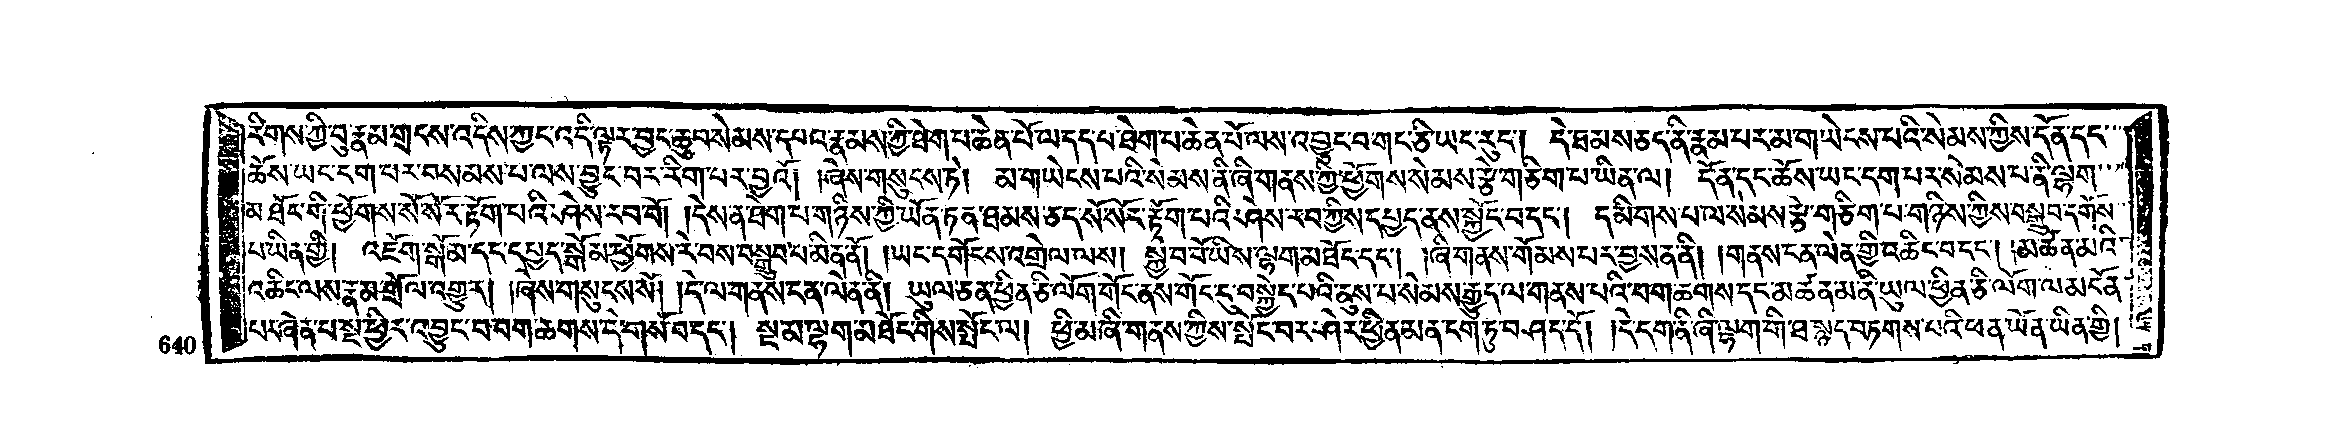རིགས་ཀྱི་བུ་རྣམ་གྲངས་འདིས་ཀྱང་འདི་ལྟར་བྱང་ཆུབ་སེམས་དཔའ་རྣམས་ཀྱི་ཐེག་པ་ཆེན་པོ་ལ་དད་པ་ཐེག་པ་ཆེན་པོ་ལས་འབྱུང་བ་གང་ཅི་ཡང་རུང་། དེ་ཐམས་ཅད་ནི་རྣམ་པར་མ་གཡེངས་པའི་སེམས་ཀྱིས་དོན་དང་
ཆོས་ཡང་དག་པར་བསམས་པ་ལས་བྱུང་བར་རིག་པར་བྱའོ། །ཞེས་གསུངས་ཏེ། མ་གཡེངས་པའི་སེམས་ནི་ཞི་གནས་ཀྱི་ཕྱོགས་སེམས་རྩེ་གཅིག་པ་ཡིན་ལ། དོན་དང་ཆོས་ཡང་དག་པར་སེམས་པ་ནི་ལྷག་
མཐོང་གི་ཕྱོགས་སོ་སོར་རྟོག་པའི་ཤེས་རབ་བོ། །དེས་ན་ཐེག་པ་གཉིས་ཀྱི་ཡོན་ཏན་ཐམས་ཅད་སོ་སོར་རྟོག་པའི་ཤེས་རབ་ཀྱིས་དཔྱད་ནས་སྐྱོང་བ་དང་། དམིགས་པ་ལ་སེམས་རྩེ་གཅིག་པ་གཉིས་ཀྱིས་བསྒྲུབ་དགོས་
པ་ཡིན་གྱི། འཇོག་སྒོམ་དང་དཔྱད་སྒོམ་ཕྱོགས་རེ་བས་བསྒྲུབ་པ་མིན་ནོ། །ཡང་དགོངས་འགྲེལ་ལས། སྐྱེ་བ་པོ་ཡིས་ལྷག་མཐོང་དང་། །ཞི་གནས་གོམས་པར་བྱས་ན་ནི། །གནས་ངན་ལེན་གྱི་འཆིང་བ་དང་། མཚན་མའི་
འཆིང་ལས་རྣམ་གྲོལ་འགྱུར། །ཞེས་གསུངས་སོ། །དེ་ལ་གནས་ངན་ལེན་ནི། ཡུལ་ཅན་ཕྱིན་ཅི་ལོག་གོང་ནས་གོང་དུ་བསྐྱེད་པའི་ནུས་པ་སེམས་རྒྱུད་ལ་གནས་པའི་བག་ཆགས་དང་མཚན་མ་ནི་ཡུལ་ཕྱིན་ཅི་ལོག་ལ་མངོན་
པར་ཞེན་པ་སྔ་ཕྱིར་འབྱུང་བ་བག་ཆགས་དེ་གསོ་བ་དང་། སྔ་མ་ལྷག་མཐོང་གིས་སྤོང་ལ། ཕྱི་མ་ཞི་གནས་ཀྱིས་སྤོང་བར་ཤེར་ཕྱིན་མན་ངག་ཏུ་བཤད་དོ། །དེ་དག་ནི་ཞི་ལྷག་གི་ཐ་སྙད་བཏགས་པའི་ཕན་ཡོན་ཡིན་གྱི།